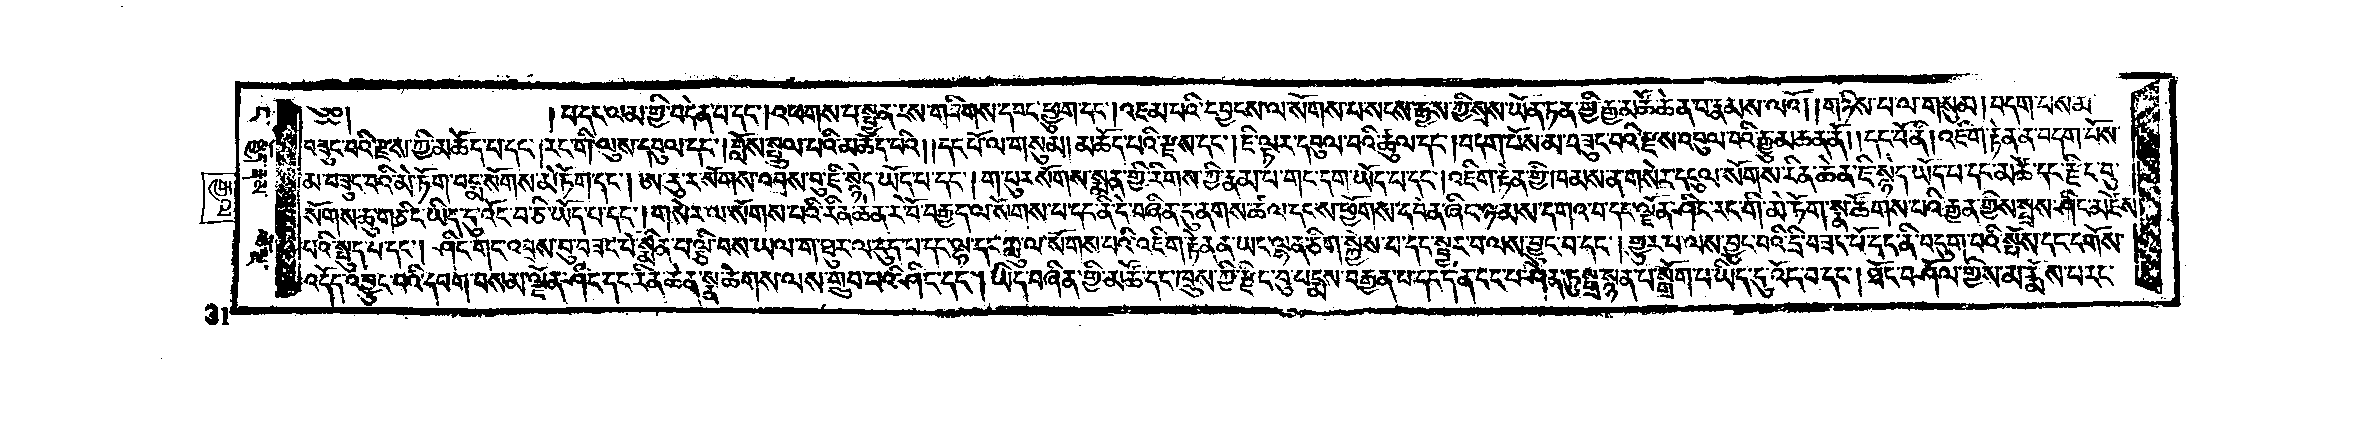༄༅། །པ་དང་ལམ་གྱི་བདེན་པ་དང་། འཕགས་པ་སྤྱན་རས་གཟིགས་དབང་ཕྱུག་དང་། འཇམ་པའི་དབྱངས་ལ་སོགས་པ་སངས་རྒྱས་ཀྱི་སྲས་ཡོན་ཏན་གྱི་རྒྱ་མཚོ་ཆེན་པོ་རྣམས་ལའོ། །གཉིས་པ་ལ་གསུམ། བདག་པས་མ་
བཟུང་བའི་རྫས་ཀྱི་མཆོད་པ་དང་། རང་གི་ལུས་དབུལ་དང་། བློས་སྤྲུལ་པའི་མཆོད་པའི། །དང་པོ་ལ་གསུམ། ཆོད་པའི་རྫས་དང་། ཇི་ལྟར་དབུལ་བའི་ཚུལ་དང་། བདག་པོས་མ་བཟུང་བའི་རྫས་འབུལ་བའི་རྒྱུ་མཚན་ནོ། །དང་པོ་ནི། འཇིག་རྟེན་ན་བདག་པོས་
མ་བཟུང་བའི་མེ་ཏོག་པདམ་སོགས་མེ་ཏོག་དང་། ཨ་རུ་ར་སོགས་འབྲས་བུ་ཇི་སྙེད་ཡོད་པ་དང་། ག་པུར་སོགས་སྨན་གྱི་རིགས་ཀྱི་རྣམ་པ་གང་དག་ཡོད་པ་དང་། འཇིག་རྟེན་གྱི་ཁམས་ན་གསེར་དངུལ་སོགས་རིན་ཆེན་ཇི་སྙེད་ཡོད་པ་དང་མཚོ་དང་རྫིང་བུ་
སོགས་ཆུ་གཅིང་ཡིད་དུ་འོང་བ་ཅི་ཡོད་པ་དང་། གསེར་ལ་སོགས་པའི་རིན་ཆེན་རི་བོ་བརྒྱད་ལ་སོགས་པ་དང་ནི་དེ་བཞིན་དུ་ནགས་ཚལ་དང་ས་ཕྱོགས་དབེན་ཞིང་ཉམས་དགའ་བ་དང་ལྗོན་ཤིང་རང་གི་མེ་ཏོག་སྣ་ཚོགས་པའི་རྒྱན་གྱིས་སྤྲས་ཤིང་མཛེས་
པའི་སྤུད་པ་དང་། ཤིང་གང་འབྲས་བུ་བཟང་པོ་སྨིན་པ་ལྕི་བས་ཡལ་ག་ཐུར་ལ་དུད་པ་དང་ལྷ་དང་ཀླུ་ལ་སོགས་པའི་འཇིག་རྟེན་ན་ཡང་ལྷན་ཅིག་སྐྱེས་པ་དང་སྦྱར་བ་ལས་བྱུང་བ་དང་། གྱུར་པ་ལས་བྱུང་བའི་དྲི་བཟང་པོ་དང་ནི་བདུག་པའི་སྤོས་དང་དགོས་
འདོད་འབྱུང་བའི་དཔག་བསམ་ལྗོན་ཤིང་དང་རིན་ཆེན་སྣ་ཚོགས་ཀླས་གྲུབ་པའི་ཤིང་དང་། ཡིད་བཞིན་གྱི་མཚོ་དང་ཁྲུས་ཀྱི་རྫིང་བུ་པདམས་བརྒྱན་པ་དང་དོན་དང་པ་ཤིན་ཏུ་སྒྲ་སྙན་པ་སྒྲོག་པ་ཡིད་དུ་འོང་བ་དང་། ཐོང་བ་ཤོལ་གྱིས་མ་རྨོས་པ་རང་